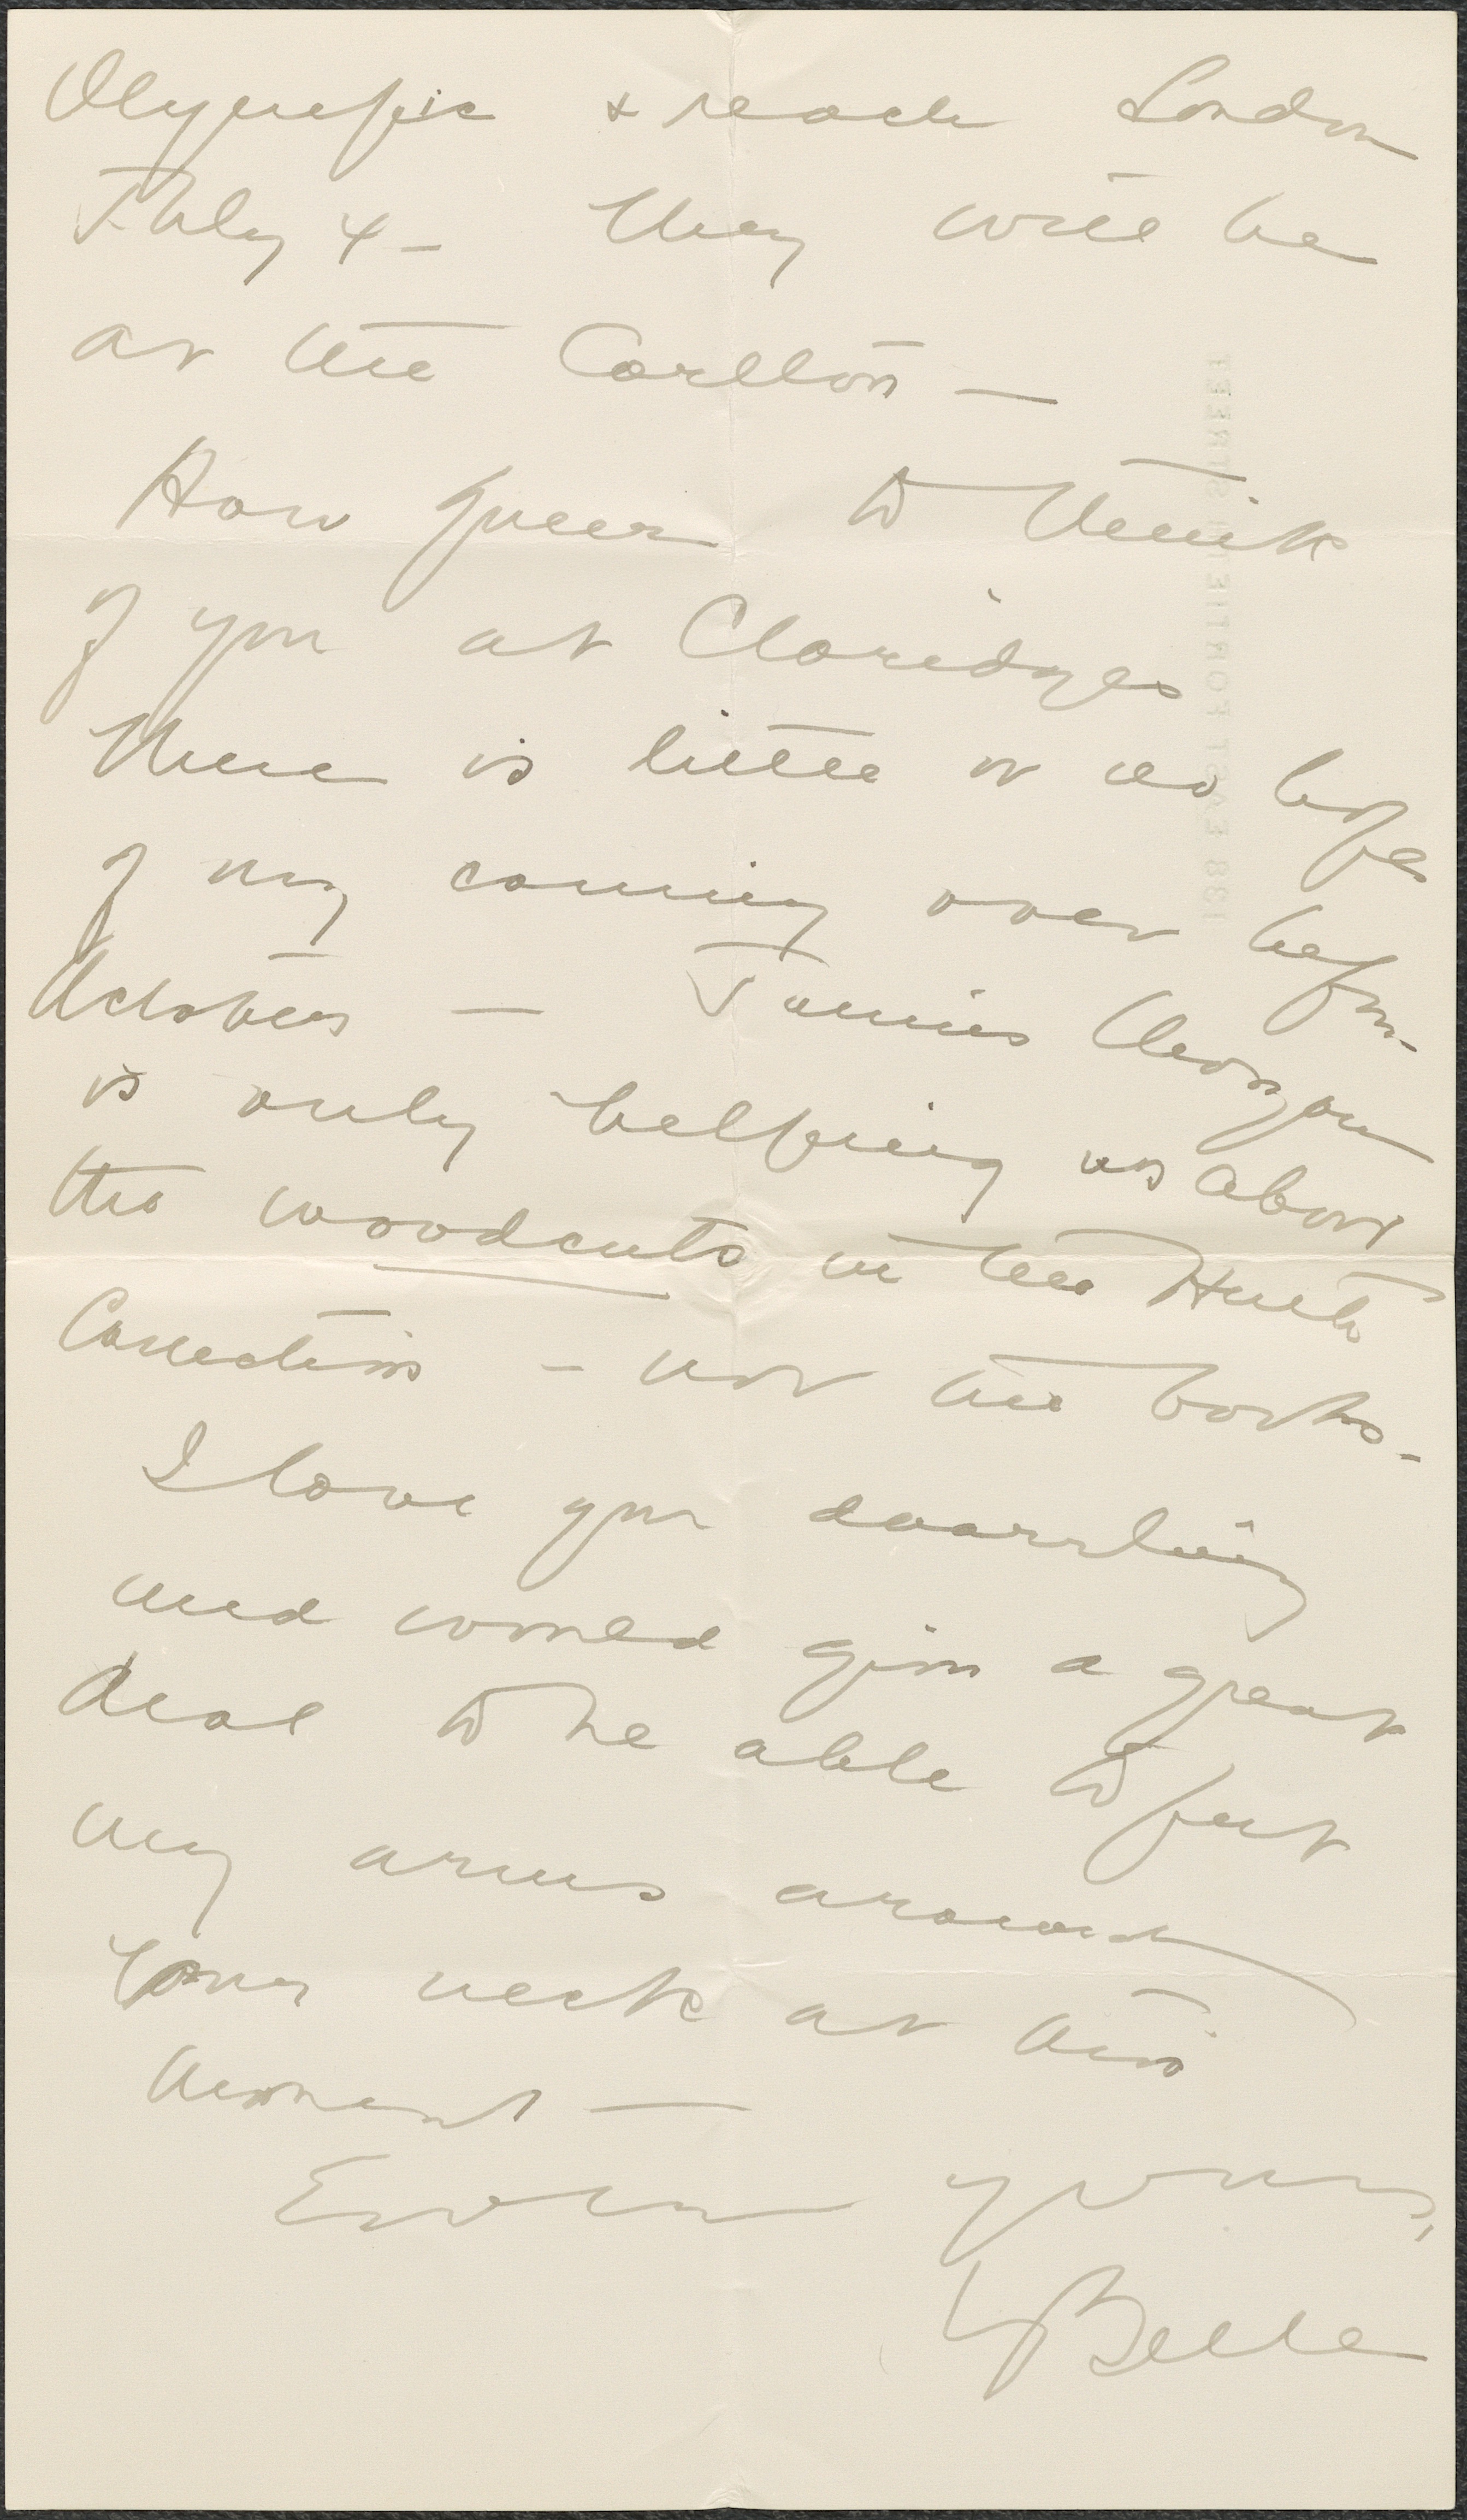Olympic & reach London July 4 – they will be at the Carlton –
How queer to think of you at Claridges there is little or no hope of my coming over before October – Junius Morgan is only helping us about the woodcuts in the Huth collection – not the books.
I love you daarrling and would give a great deal to be able to put my arms around your neck at this moment –
Ever yours,
Belle